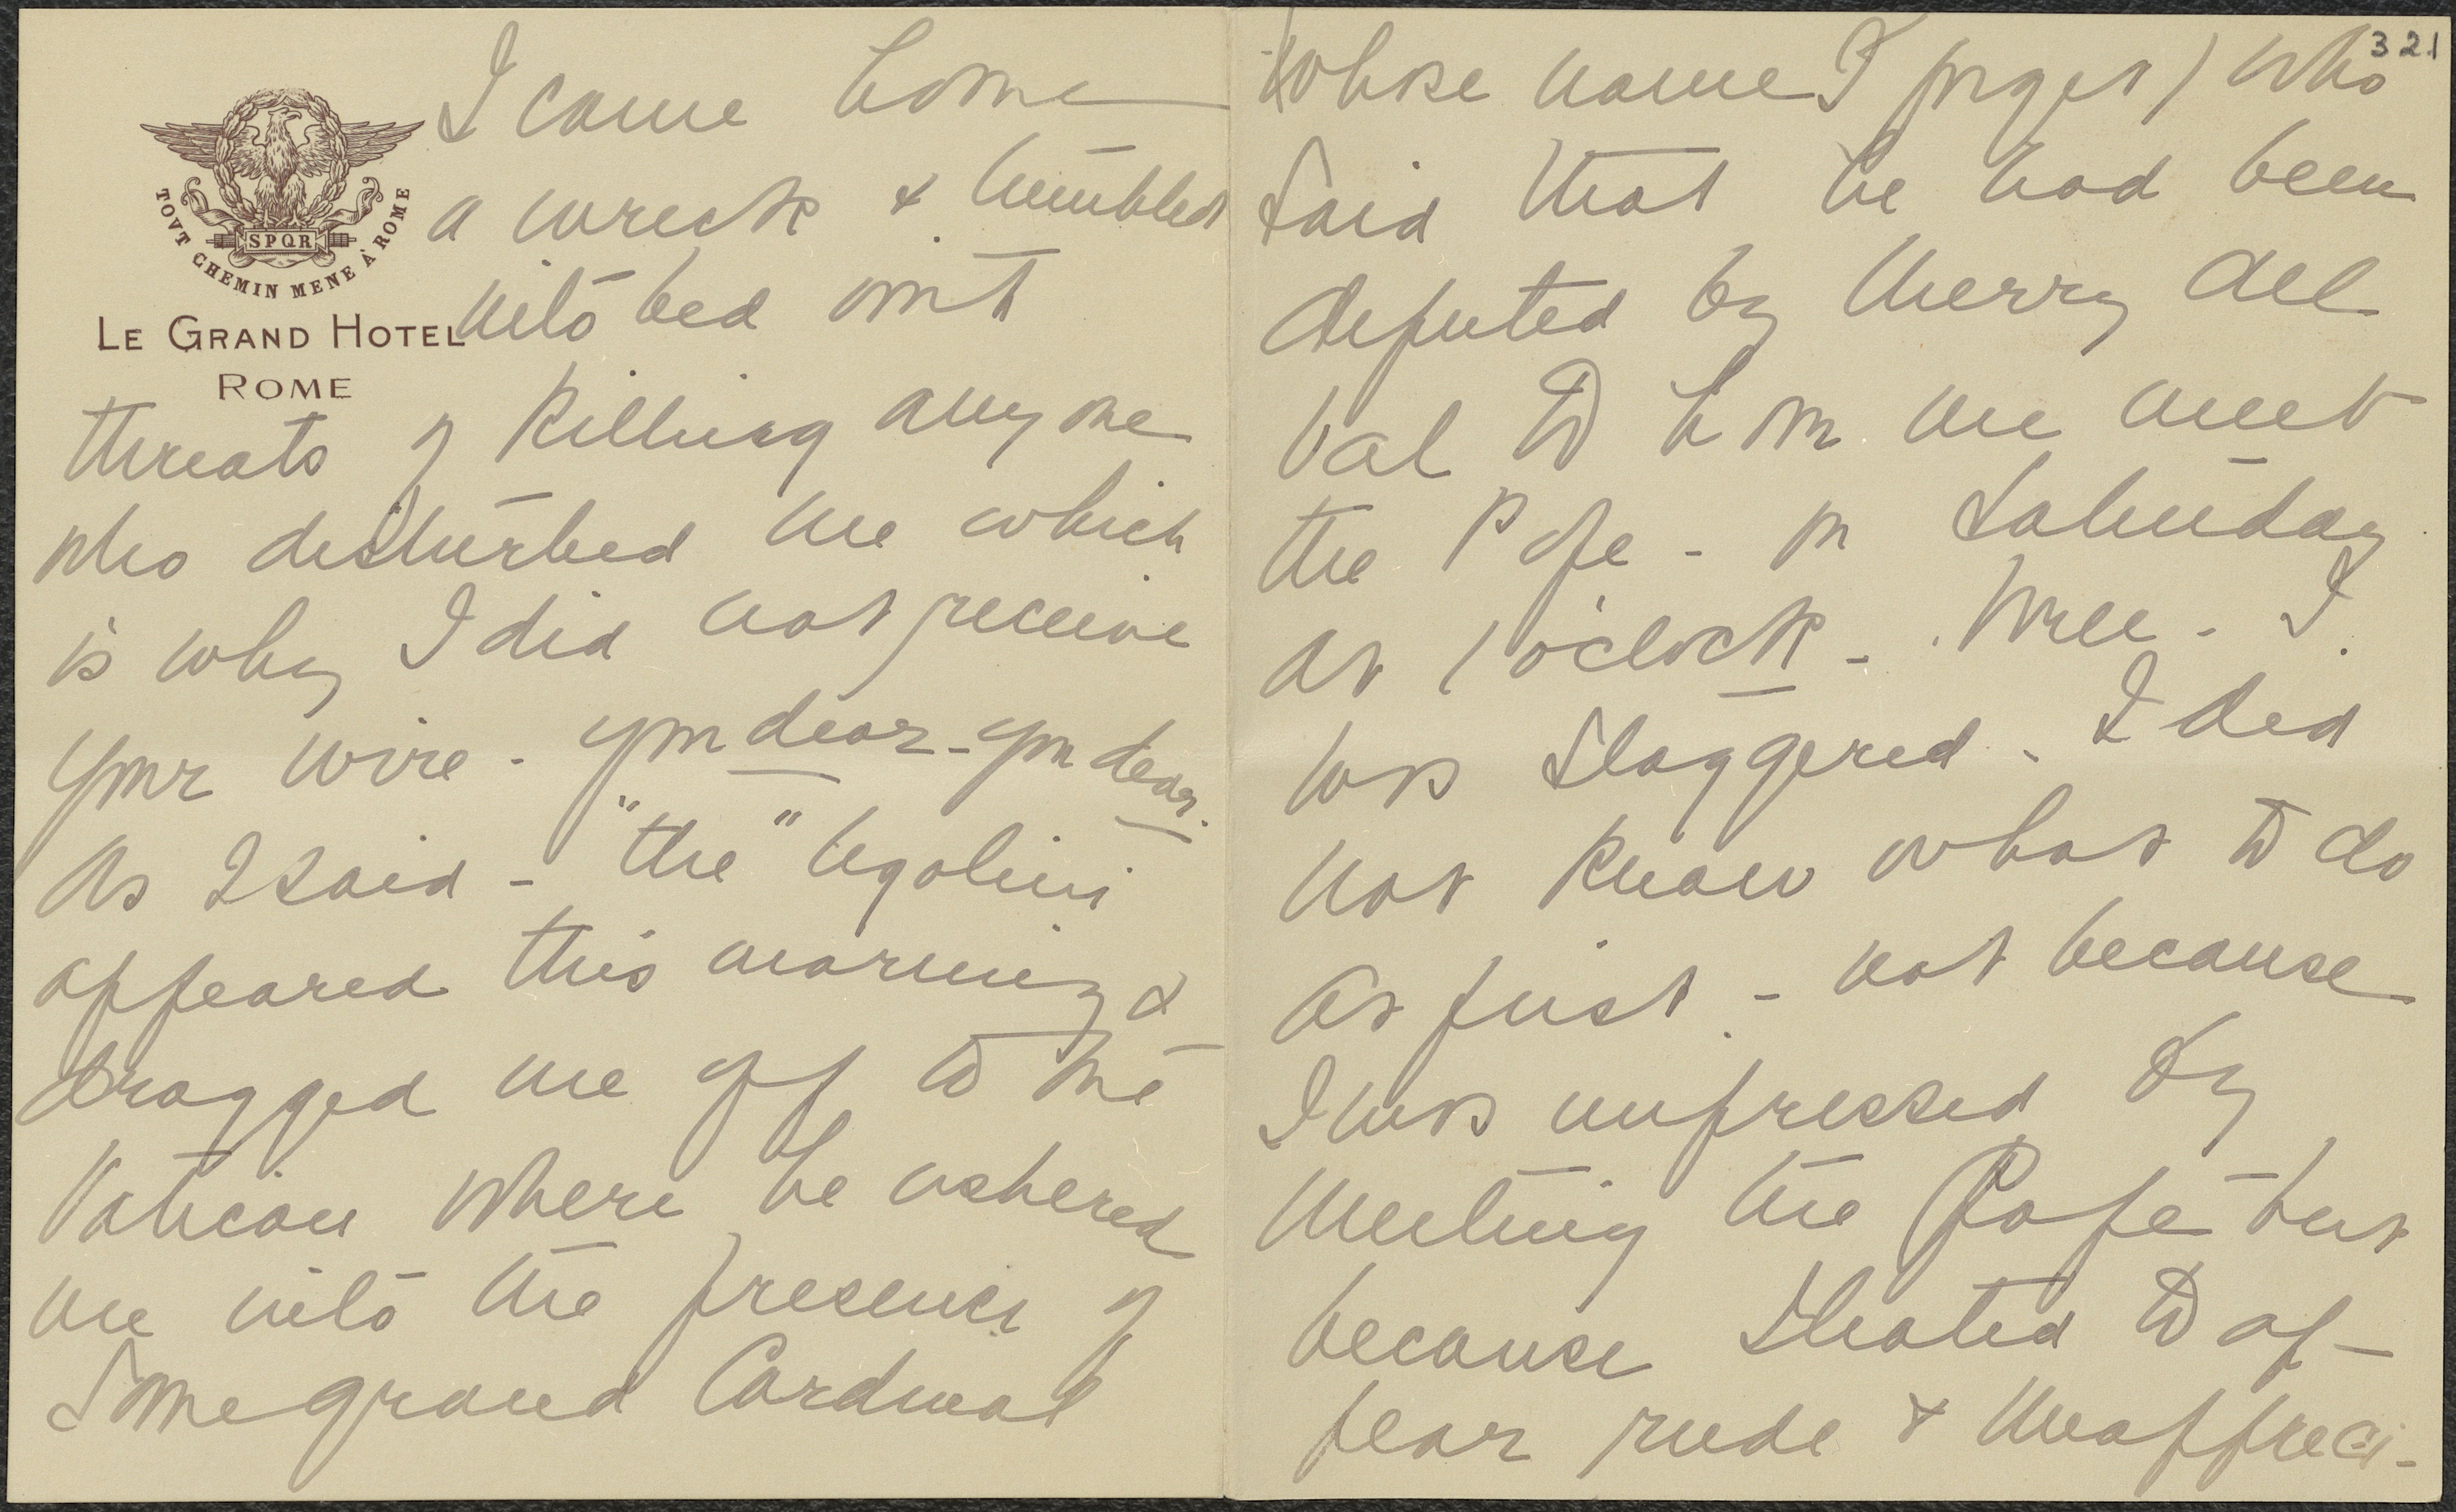I came home a wreck & tumbled into bed with threats of killing any one who disturbed me which is why I did not receive your wire – you dear – you dear. As I said – “the” Ugolini appeared this morning & dragged me off to the Vatican where he ushered me into the presence of some grand Cardinal
(whose name I forget) who said that he had been deputed by Merry del Val to have me meet the Pope – on Saturday at 1 o’clock – Well – I was staggered – I did not know what to do at first – not because I was impressed by meeting the Pope but because I hated to appear rude & unappreciative –